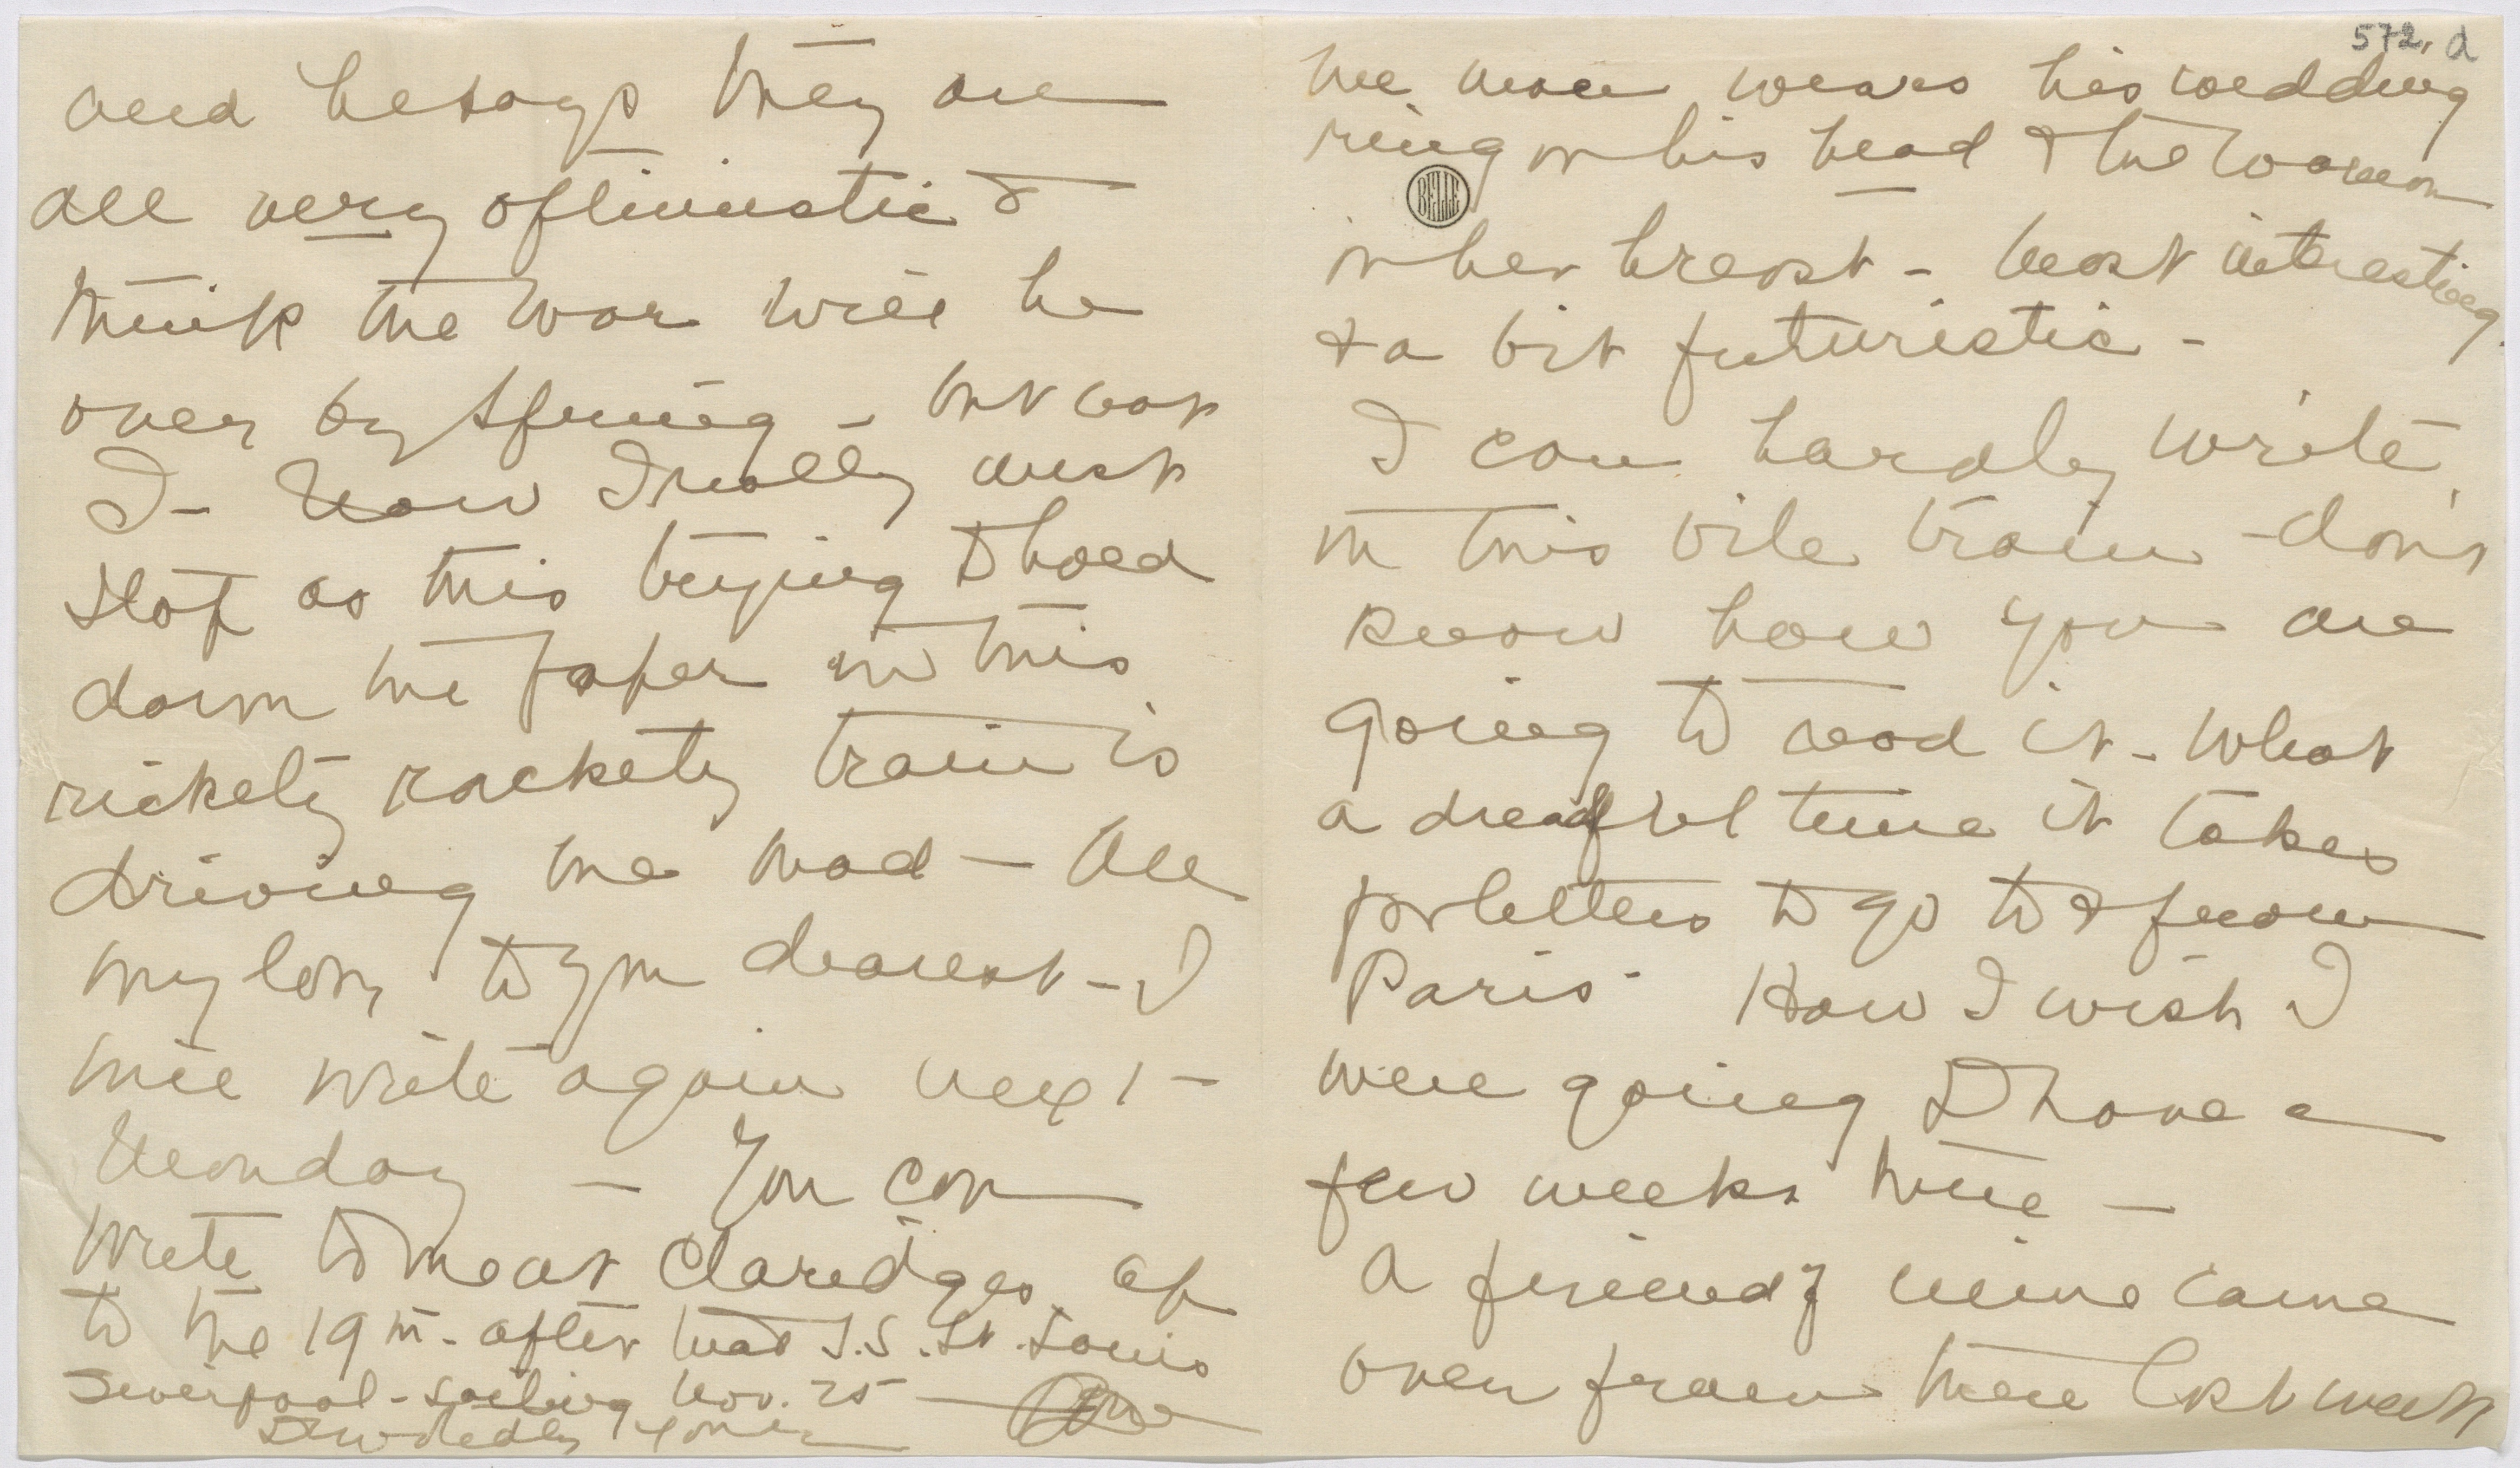The man wears his wedding ring on his head & the woman on her breast – most interesting & a bit futuristic –
I can hardly write on this vile train – don’t know how you are going to read it – what a dreadful time it takes for letters to go to & from Paris – How I wish I were going to have a few weeks there – a friend of mine came over from there last week
and he says they are all very optimistic & think the war will be over by Spring – but not I – Now I really must stop as this trying to hold down the paper in this rickety rackety train is driving me mad – All my love to you dearest – I will write again next Monday – You can write to me at Claridges up to the 19th – After that S.S St. Louis Liverpool – sailing Nov. 25
Devotedly yours,
Belle